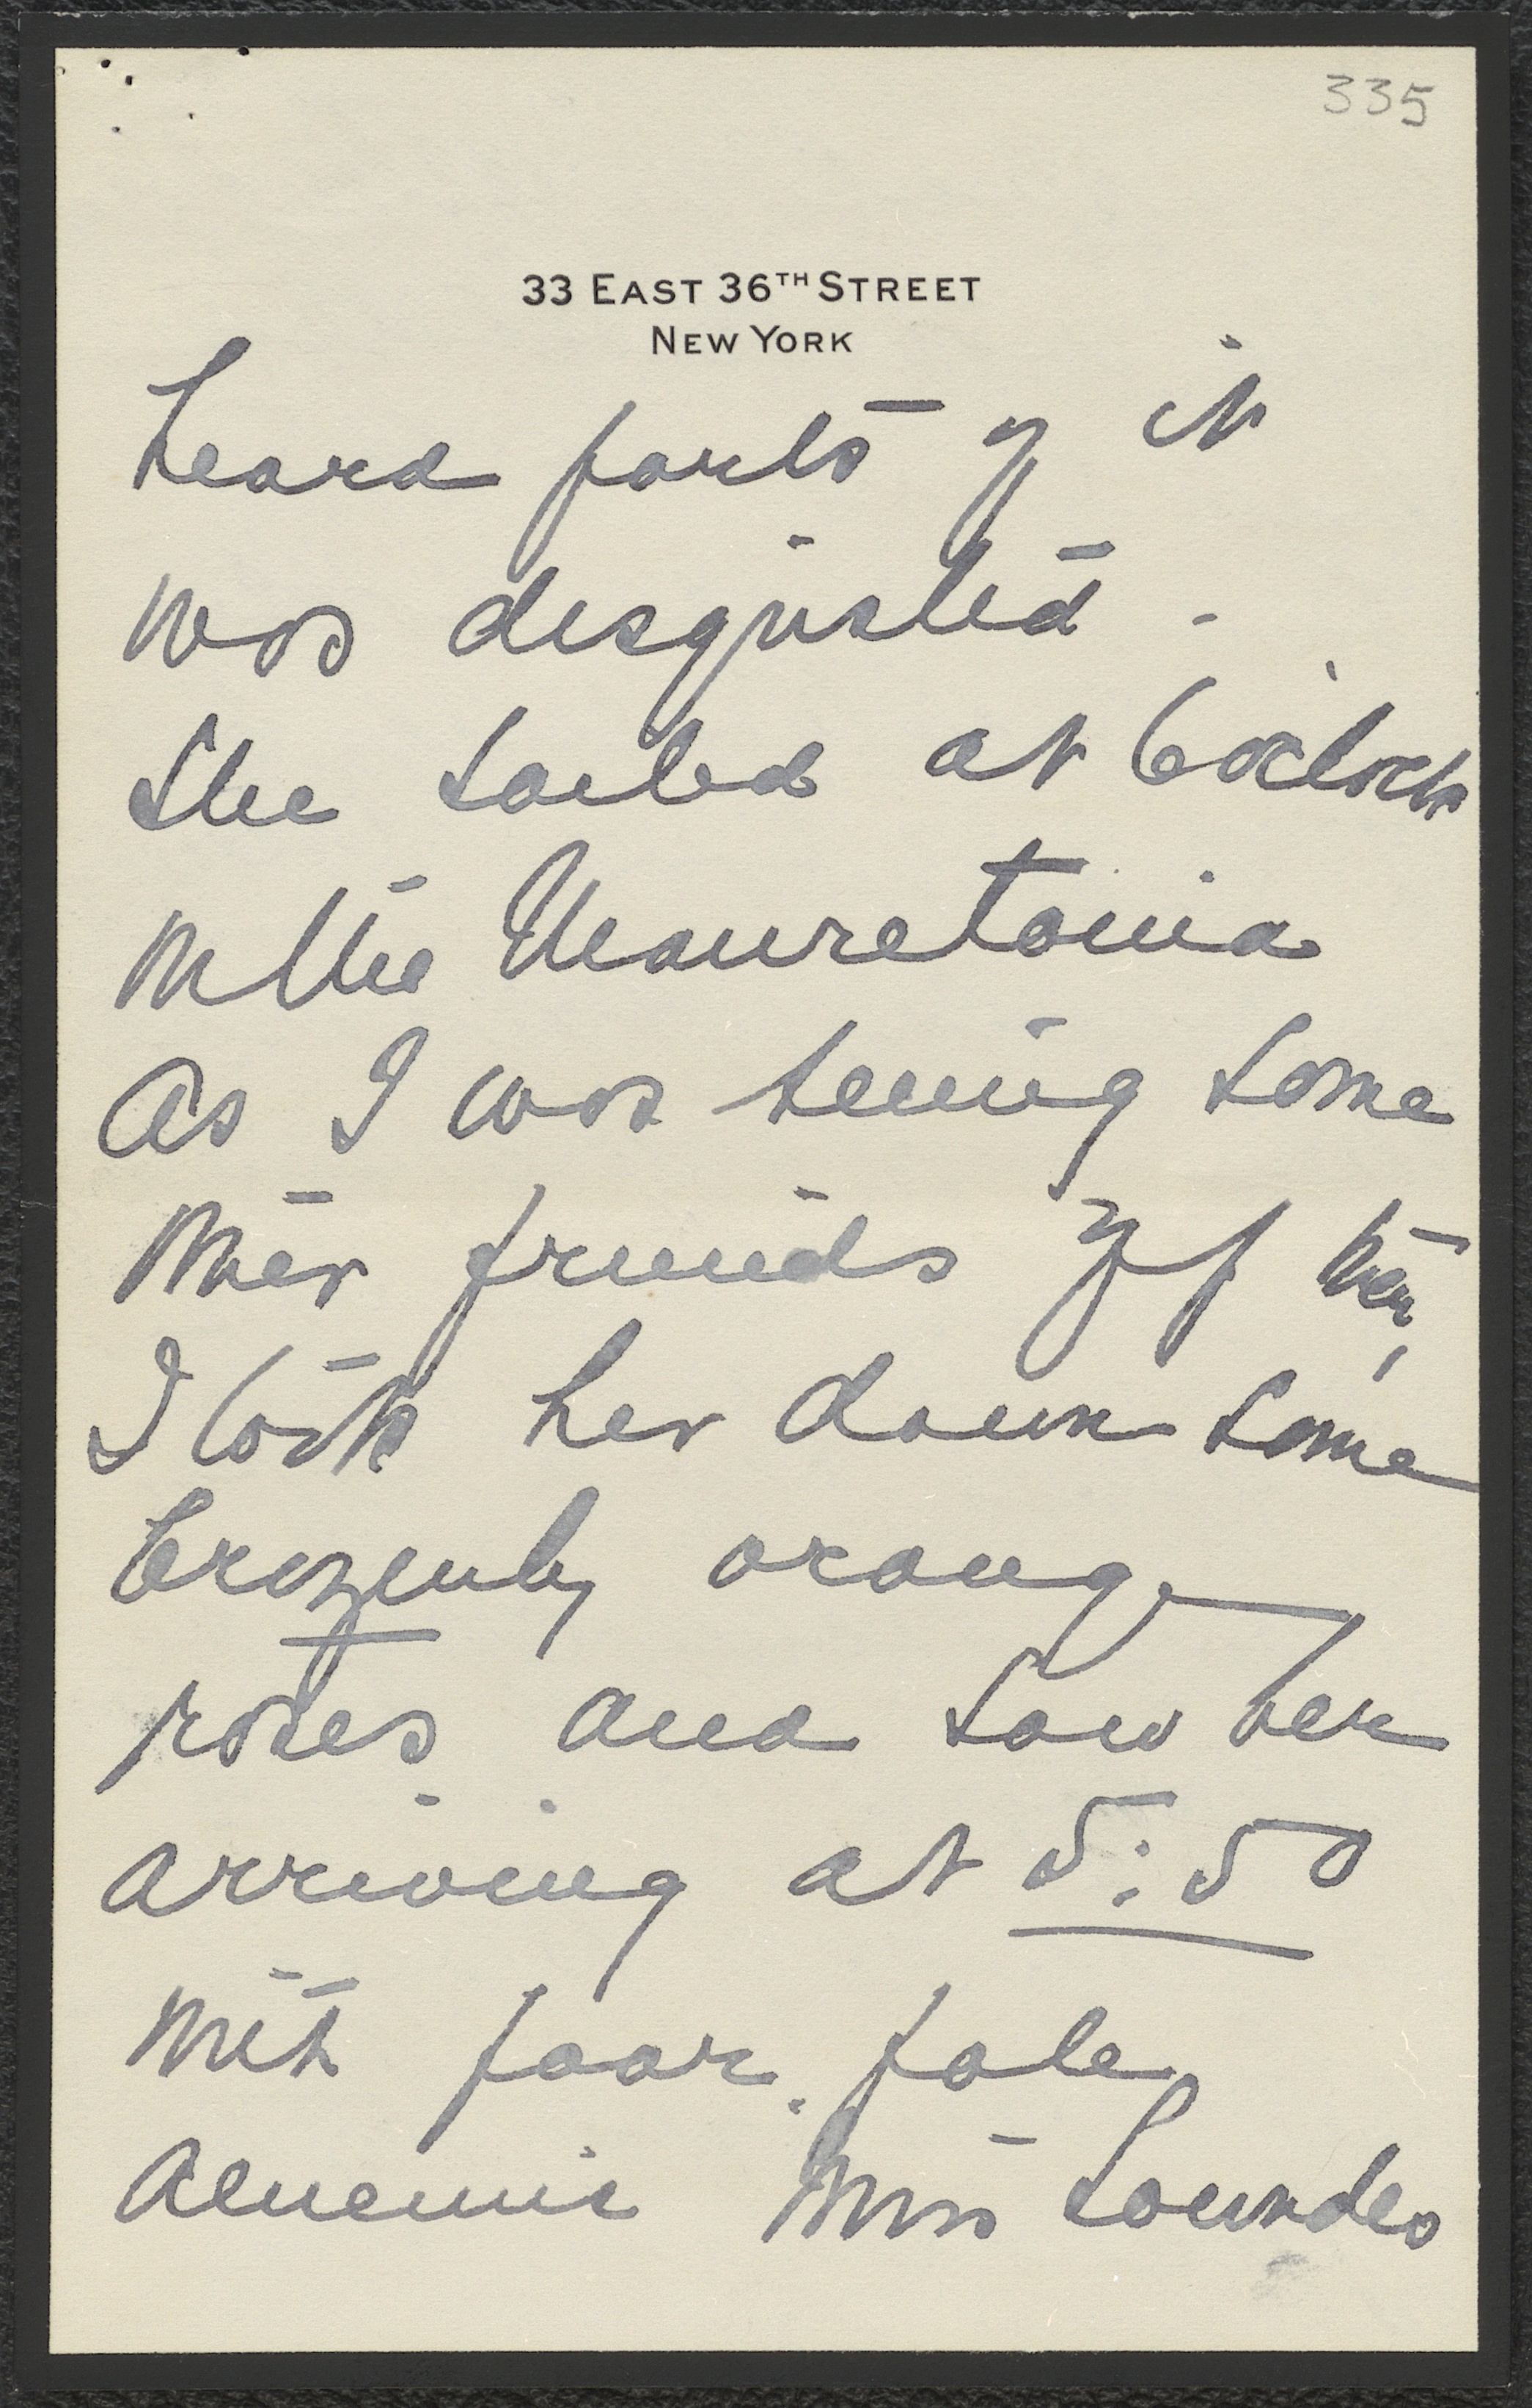heard parts of it was disgusted –
She sailed at 6 o’clock on the Mauretania as I was seeing some other friends off then, I took her down some brazenly orange roses and saw her arriving at 5:50 with poor, pale aenemic Miss Lourdes